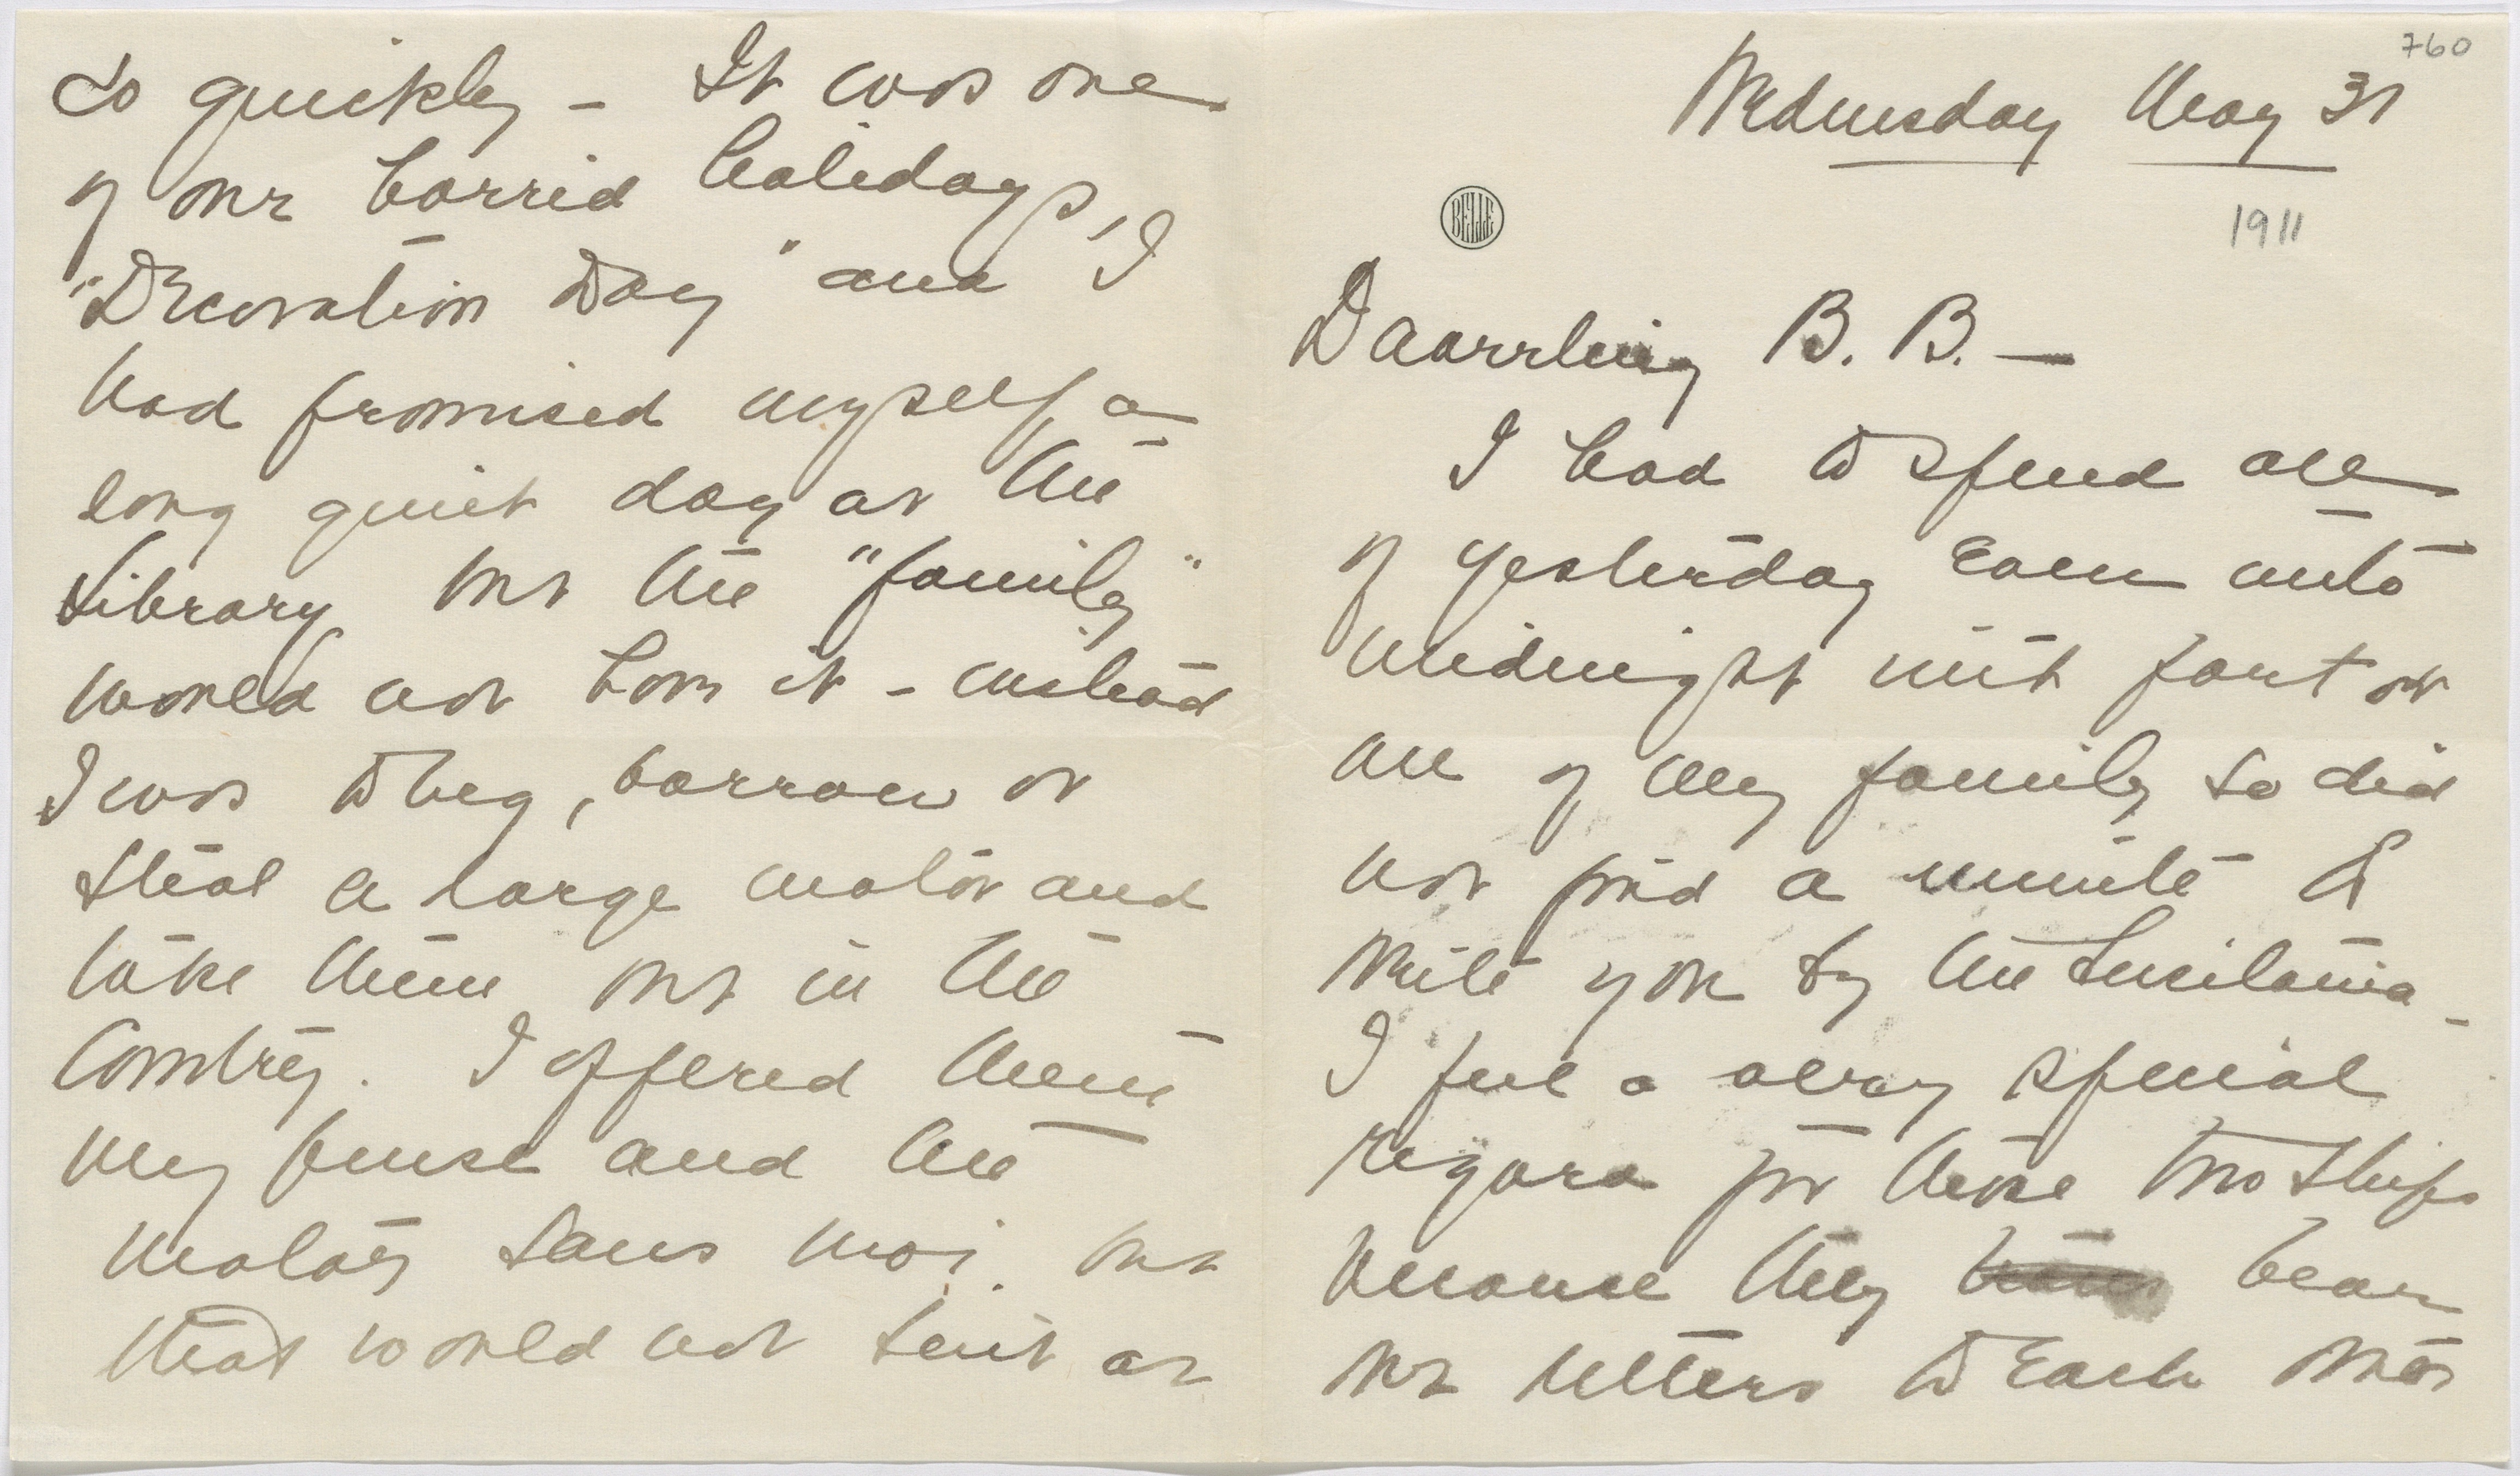Wednesday May 31
Daarrling B. B. –
I had to spend all of yesterday even unto midnight with part or all of my family so did not find a minute to write you by the Lusitania – I feel a very special regard for those two ships because they [illegible deletion] bear our letters to each other
so quickly – It was one of our horrid holidays, “Decoration Day” and I had promised myself a long quiet day at the Library but the “family” would not have it – instead I was to beg, borrow or steal a large motor and take them out in the country. I offered them my purse and the motor sans moi but that would not suit at